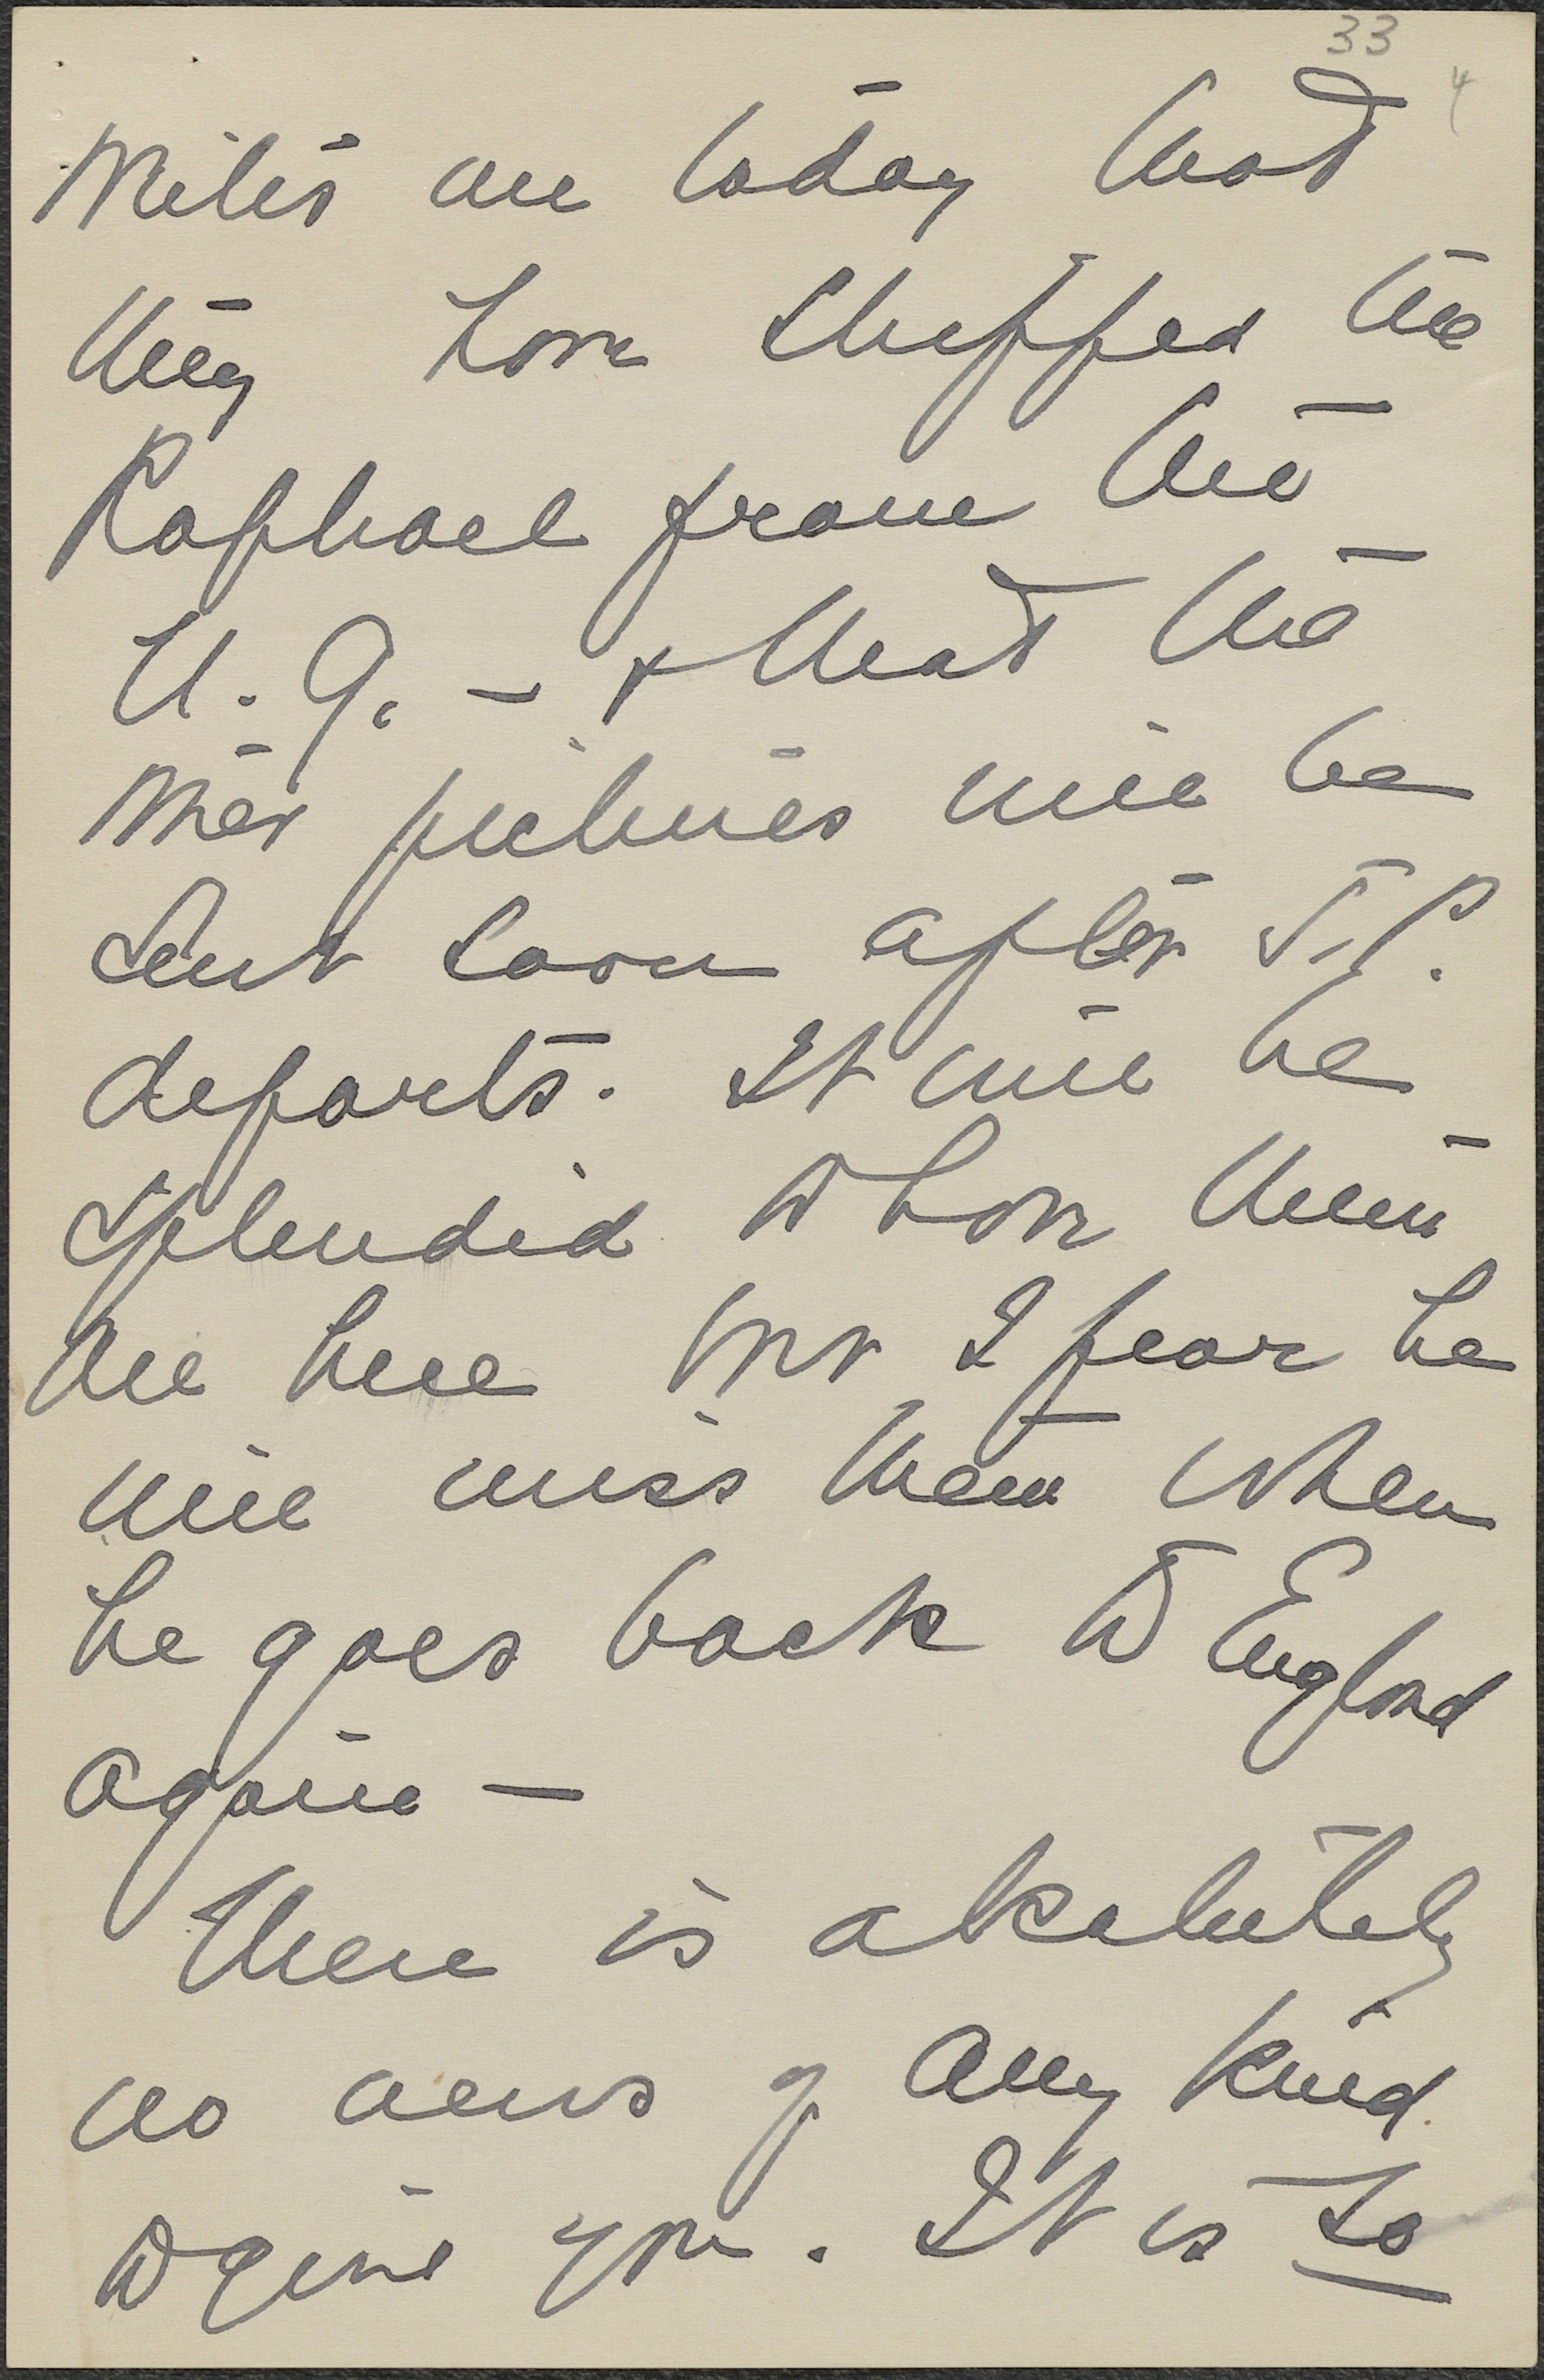writes me today that they have shipped the Raphael from the N. G. – & that the other pictures will be sent soon after J. P. departs. It will be splendid to have them all here but I fear he will miss them when he goes back to England again –
There is absolutely no news of any kind to give you. It is so